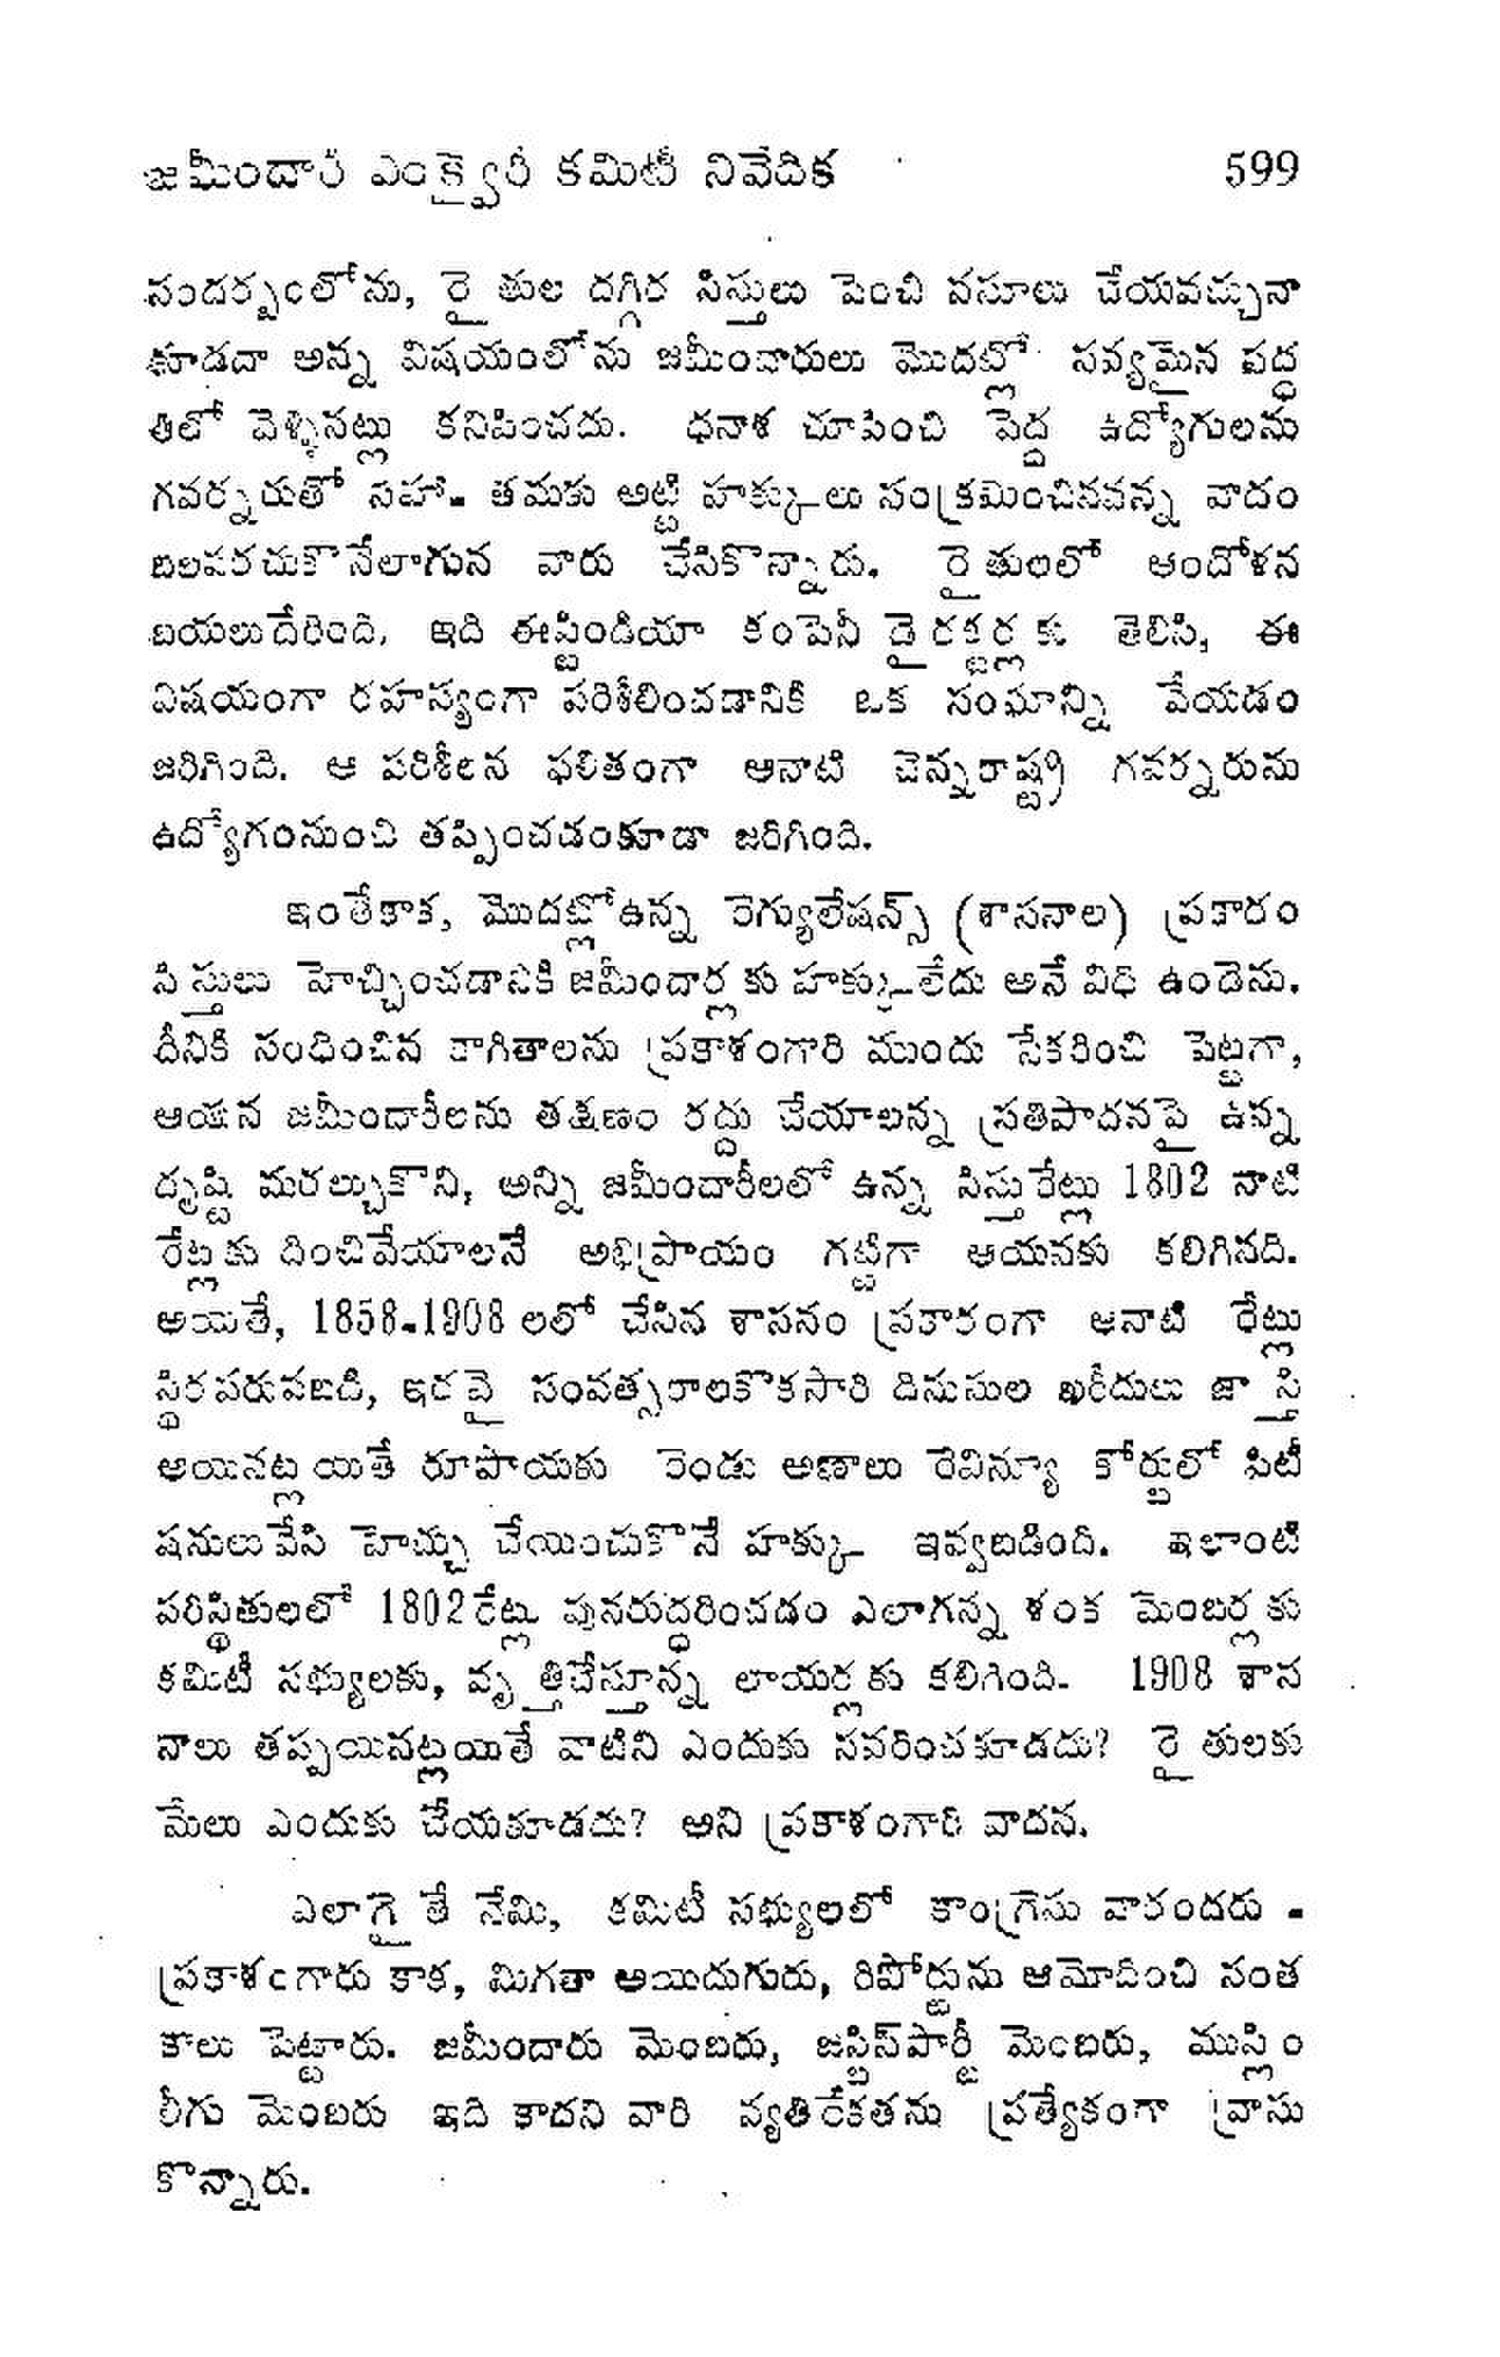సందర్భంలోను, రైతుల దగ్గిర సిస్తులు పెంచి వసూలు చేయవచ్చునా కూడదా అన్న విషయంలోనూ జమీందారులు మొదట్లో సవ్యమైన పద్దతిలో వెళ్ళినట్లు కనిపించదు. ధనాశ చూపించి పెద్ద ఉద్యోగులను గవర్నరుతో సహా - తమకు అట్టి హక్కులు సంక్రమించినవన్న వాదం బలపరచుకొనేలాగున వారు చేసికొన్నారు. రైతులలో ఆందోళన బయలుదేరింది. ఇది ఈస్టిండియా కంపెనీ డైరక్టర్లకు తెలిసి, ఈ విషయంగా రహస్యంగా పరిశీలించడానికి ఒక సంఘాన్ని వేయడం జరిగింది. ఆ పరిశీలన ఫలితంగా ఆనాటి చెన్నరాష్ట్ర గవర్నరును ఉద్యోగంనుంచి తప్పించడంకూడా జరిగింది.

ఇంతేకాక, మొదట్లోఉన్న రెగ్యులేషన్స్ (శాసనాల) ప్రకారం సిస్తులు హెచ్చించడానికి జమీందార్లకు హక్కులేదు అనే విధి ఉండెను. దీనికి సంధించిన కాగితాలను ప్రకాశంగారి ముందు సేకరించి పెట్టగా, ఆయన జమీందారీలను తక్షణం రద్దు చేయాలన్న ప్రతిపాదనపై ఉన్న దృష్టి మరల్చుకొని, అన్ని జమీందారీలతో ఉన్న సిస్తురేట్లు 1802 నాటి రేట్లకు దించివేయాలనే అభిప్రాయం గట్టిగా ఆయనకు కలిగినది. అయితే, 1858 - 1908 లలో చేసిన శాసనం ప్రకారంగా ఆనాటి రేట్లు స్థిరపరుపబడి, ఇరవై సంవత్సరాలకొకసారి దినుసులు ఖరీదులు జాస్తి అయినట్లయితే రూపాయకు రెండు అణాలు రెవిన్యూ కోర్టులో పిటీషనులువేసి హెచ్చు చేయించుకొనే హక్కు ఇవ్వబడింది. ఇలాంటి పరిస్థితులలో 1802 రేట్లు పునరుద్దరించడం ఎలాగన్న శంక మెంబర్లకు కమిటీ సభ్యులకు, వృత్తిచేస్తూన్న లాయర్లకు కలిగింది. 1908 శాసనాలు తప్పయినట్లయితే వాటిని ఎందుకు సవరించకూడదు? రైతులకు మేలు ఎందుకు చేయకూడదు? అని ప్రకాశంగారి వాదన.

ఎలాగైతే నేమి, కమిటీ సభ్యులలో కాంగ్రెసు వారందరు - ప్రకాశంగారు కాక, మిగతా అయిదుగురు, రిపోర్టును ఆమోదించి సంతకాలు పెట్టారు. జమీందారు మెంబరు, జస్టిస్‌పార్టీ మెంబరు, ముస్లిం లీగు మెంబరు ఇది కాదని వారి వ్యతిరేకతను ప్రత్యేకంగా వ్రాసుకొన్నారు.